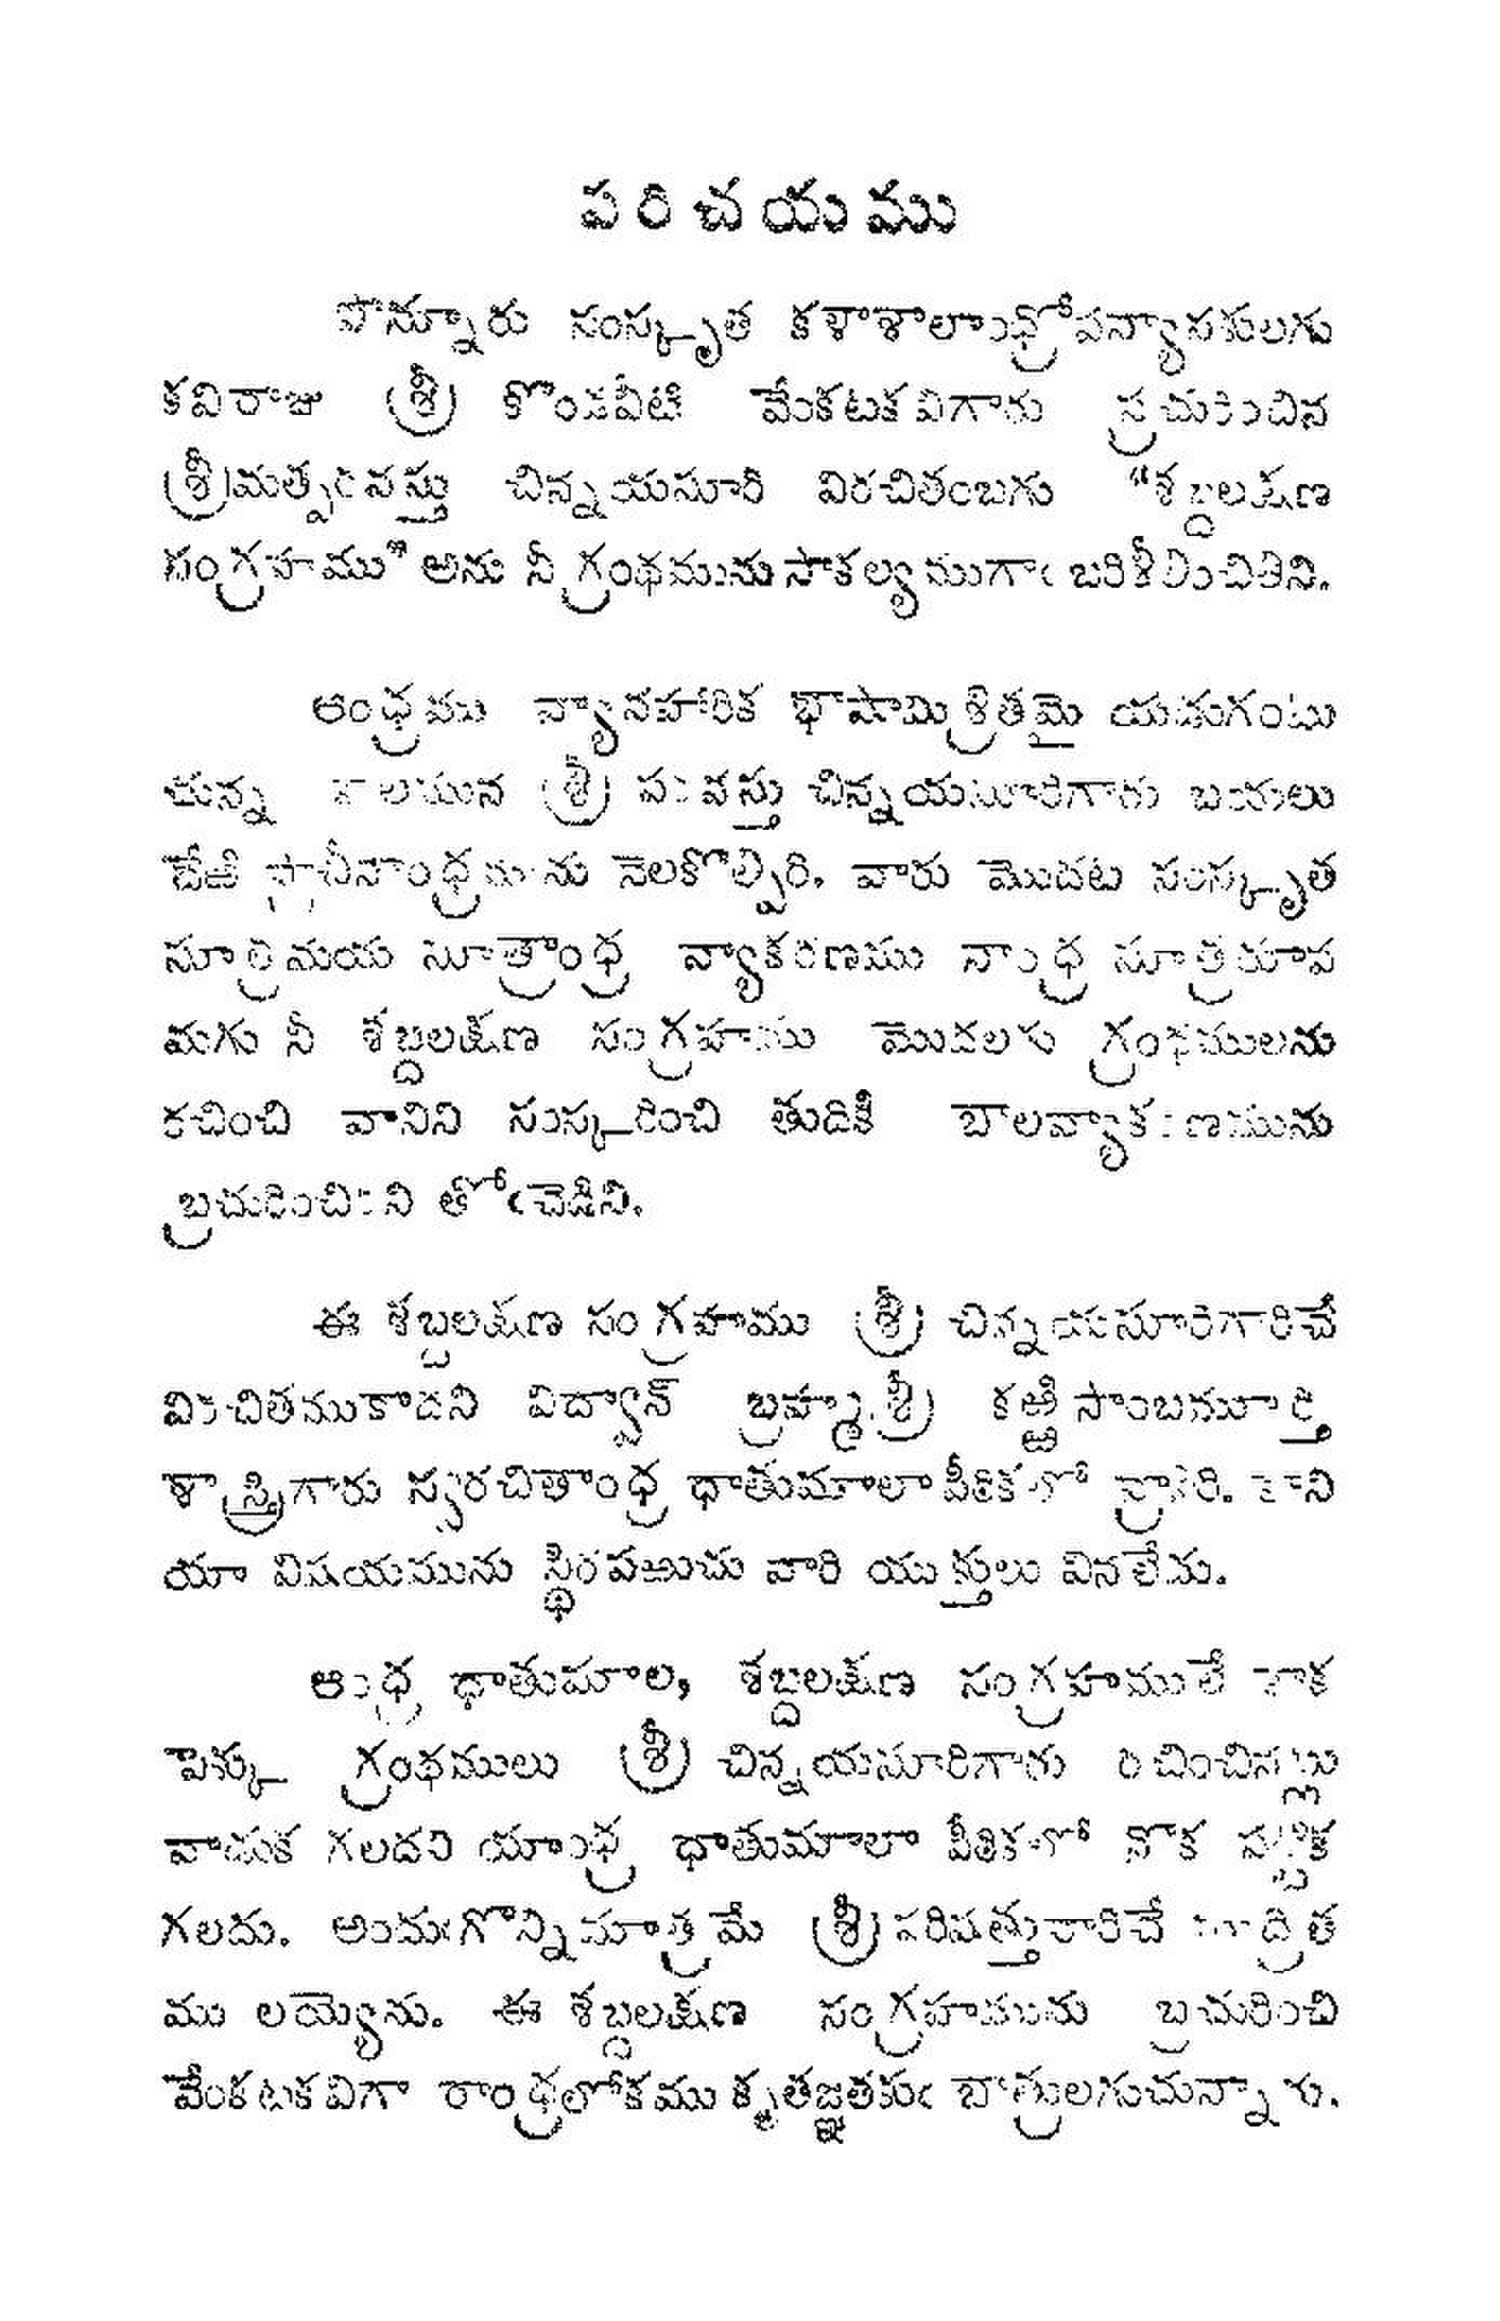పరిచయము 

పొన్నూరు సంస్కృత కళాశాలాంధ్రోపన్యాసకులగు కవిరాజు శ్రీ కొండవీటి వేంకటకవిగారు ప్రచురించిన శ్రీమత్పరవస్తు చిన్నయసూరి విరచితంబగు "శబ్దలక్షణ సంగ్రహము" అను నీగ్రంథమును సాకల్యముగాఁ బరిశీలించితిని.

ఆంద్రము వ్యావహారిక భాషామిశ్రితమై యడుగంటుచున్న కాలమున శ్రీ పరవస్తు చిన్నయసూరిగారు బయలుదేఱి ప్రాచీనాంధ్రమును నెలకొల్పిరి. వారు మొదట సంస్కృత సూత్రమయ సూత్రాంధ్ర వ్యాకరణము నాంధ్ర సూత్రరూపమగు నీ శబ్దలక్షణ సంగ్రహము మొదలగు గ్రంధములను రచించి వానిని సంస్కరించి తుదికి బాలవ్యాకరణమును బ్రచురించిరని తోఁచెడిని.

ఈ శబ్దలక్షణ సంగ్రహము శ్రీ చిన్నయసూరిగారిచే విరచితముకాదని విద్వాన్ బ్రహ్మశ్రీ కఱ్ఱిసాంబమూర్తి శాస్త్రిగారు స్వరచితాంధ్ర ధాతుమాలాపీఠికలో వ్రాసిరి. కాని యా విషయమును స్థిరపఱుచు వారి యుక్తులు వినలేదు.

ఆంధ్ర ధాతుమాల, శబ్దలక్షణ సంగ్రహములే కాక పెక్కు గ్రంథములు శ్రీ చిన్నయసూరిగారు రచించినట్లు వాడుక గలదని యాంధ్ర ధాతుమాలా పీఠికలో నొక పట్టిక గలదు. అందుఁగొన్నిమాత్రమే శ్రీ పరిషత్తువారిచే ముద్రితము లయ్యెను. ఈ శబ్దలక్షణ సంగ్రహమును బ్రచురించి వేంకటకవిగా రాంధ్రలోకము కృతజ్ఞతకుఁ బాత్రులగుచున్నారు,